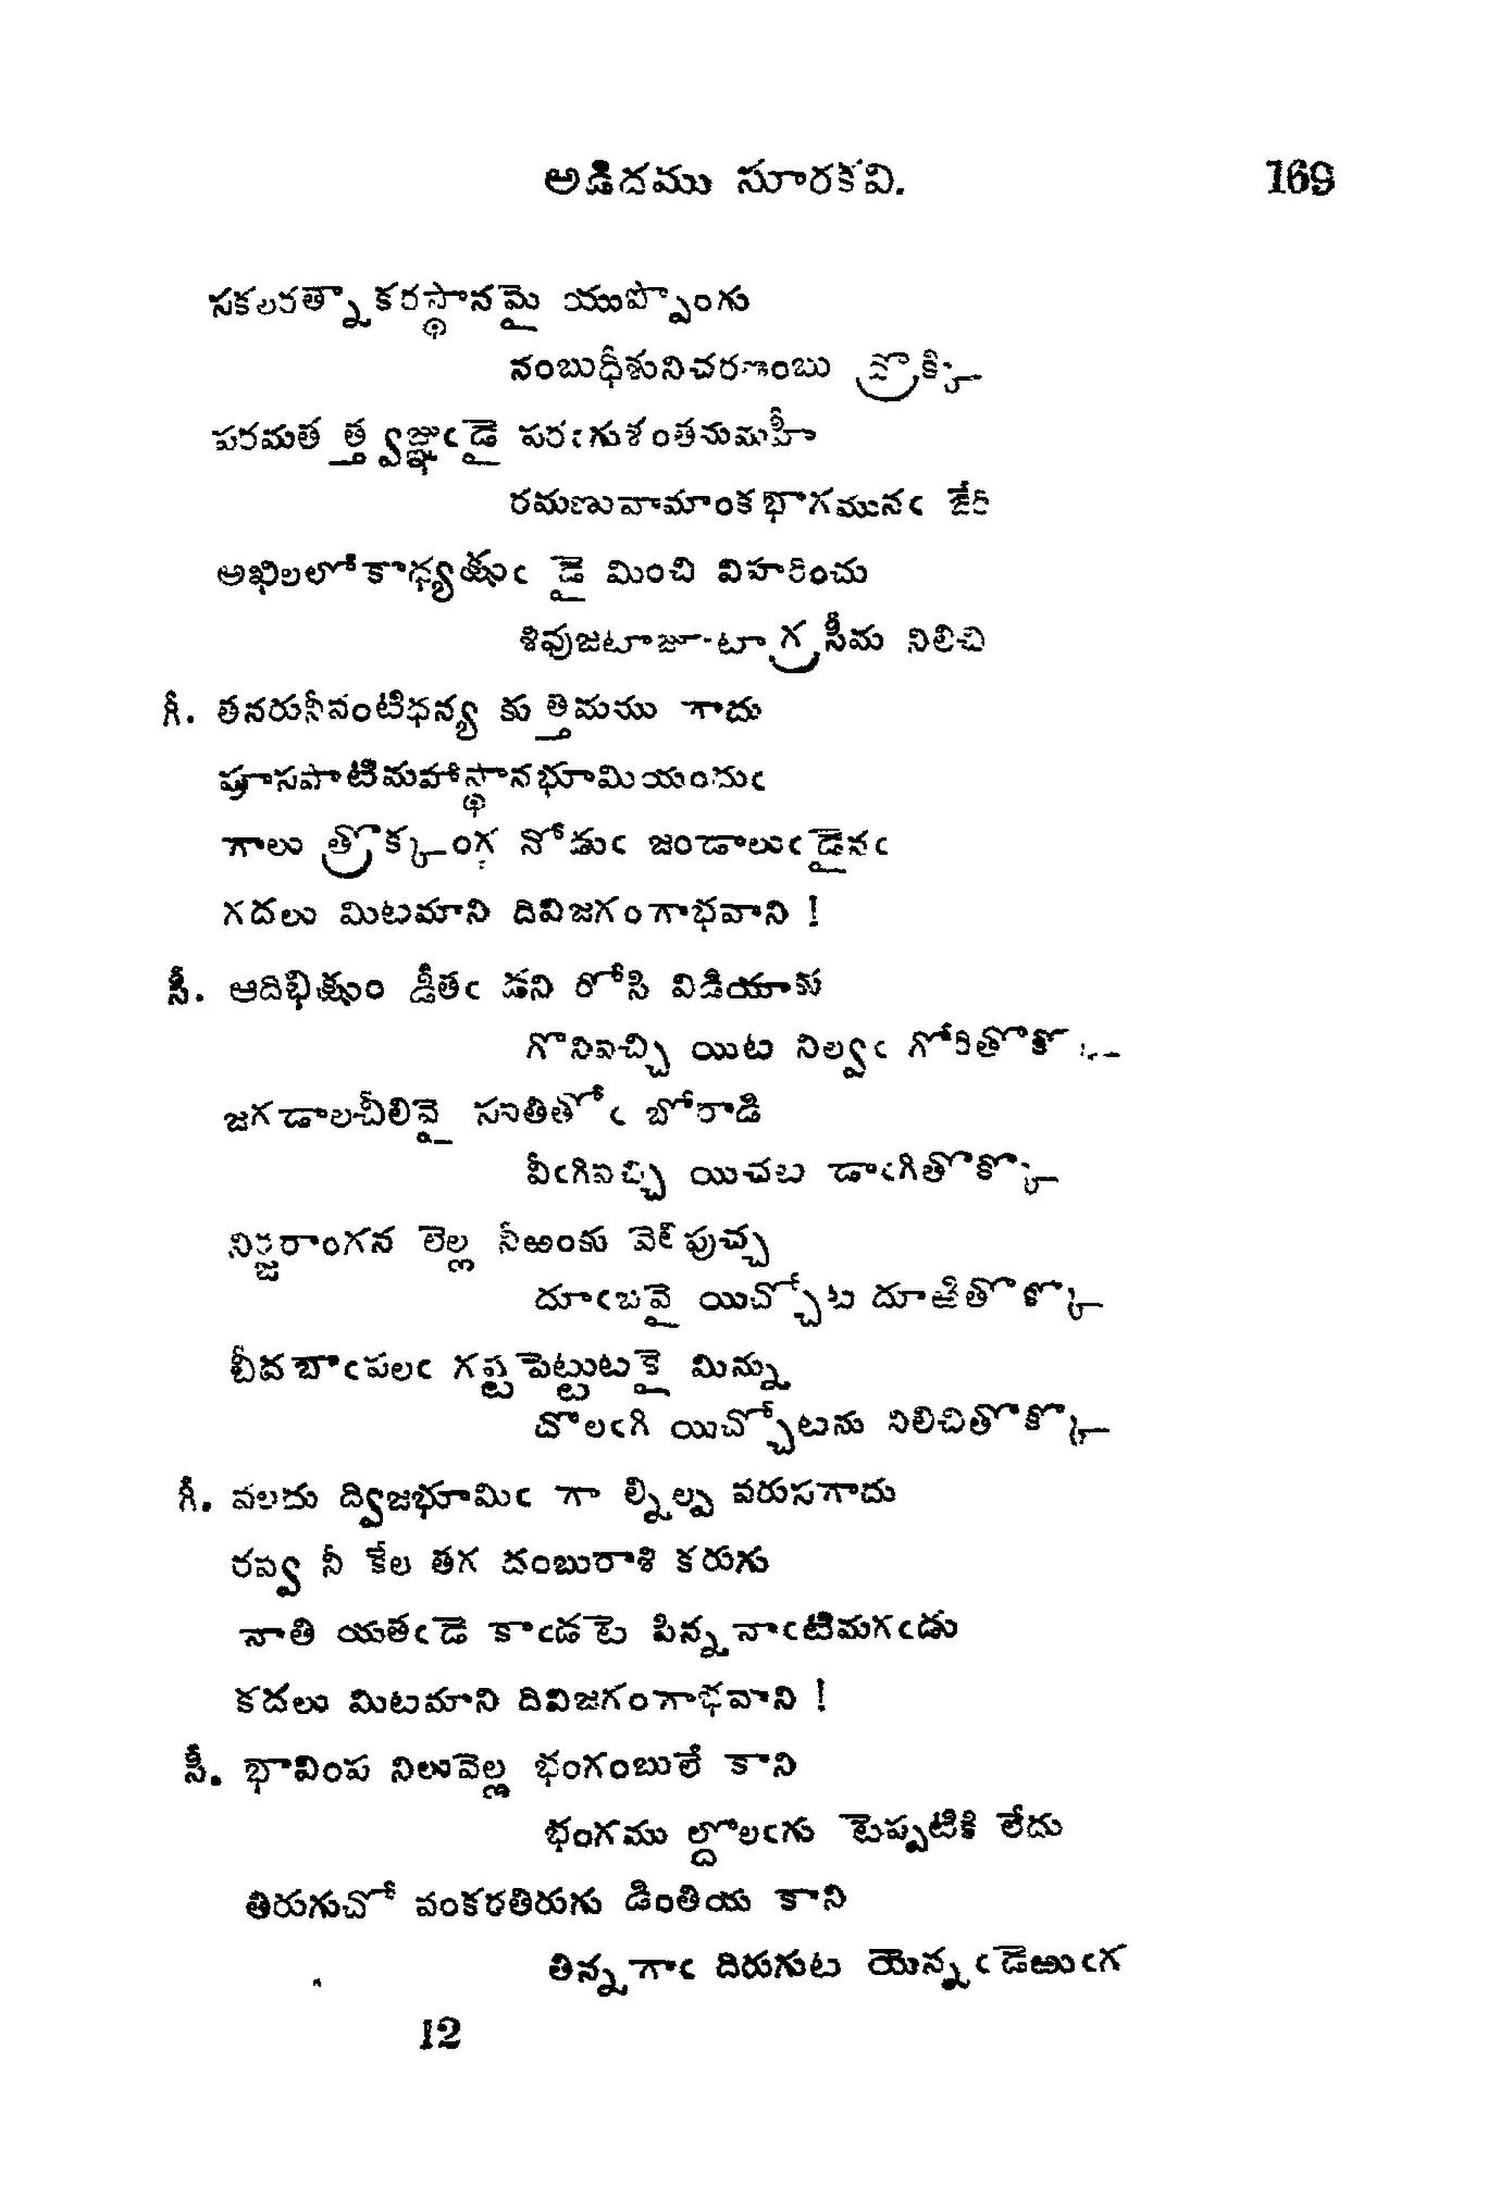సకలరత్నాకరస్థానమై యుప్పొంగు
 నంబుధీశునిచరణంబు ద్రొక్కి
 పరమతత్త్వజ్ఞుఁడై పరఁగు శంతనుమహీ
 రమణువామాంకభాగమునఁ జేరి
 అఖిలలోకాధ్యక్షుఁడై మించి విహరించు
 శివుజటాజూటాగ్రసీమ నిలిచి
గీ. తనరు నీవంటిధన్య కుత్తమము గాదు
 పూసపాటిమహాస్థానభూమియందుఁ
 గాలు త్రొక్కంగ నోడుఁ జండాలుఁడైన
 గదలు మిటమాని దివిజగంగాభవాని!
సీ. ఆదిబిక్షుం డీతఁ డని రోసి విడియాకు
 గొనివచ్చి యిట నిల్వఁ గోరితొక్కొ
 జగడాలచీలివై సవతితోఁ బోరాడి
 వీఁగివచ్చి యిచట డాఁగితొక్కొ
 నిర్జరాంగన లెల్ల నీఱంకు వెలిపుచ్చ
 దూఁబవై యిచ్చోట దూఱితొక్కొ
 బీదబాఁపలఁ గష్టపెట్టుటకై మిన్ను
 దొలఁగి యిచ్చోటను నిలిచితొక్కొ
గీ. వలదు ద్విజభూమిఁ గాల్నిల్ప వరుసగాదు
 రవ్వ నీ కేల తగ దంబురాశి కరుగు
 నాతి యతఁడె కాఁడటె పిన్ననాఁటిమగఁడు
 కదలు మిటమాని దివిజగంగాభవాని!
సీ. భావింప నిలువెల్ల భంగంబులే కాని
 భంగము ల్దొలఁగు టెప్పటికి లేదు
 తిరుగుచో వంకరతిరుగు డింతియ కాని
 తిన్నగాఁ దిరుగుట యెన్నఁ డెఱుఁగ